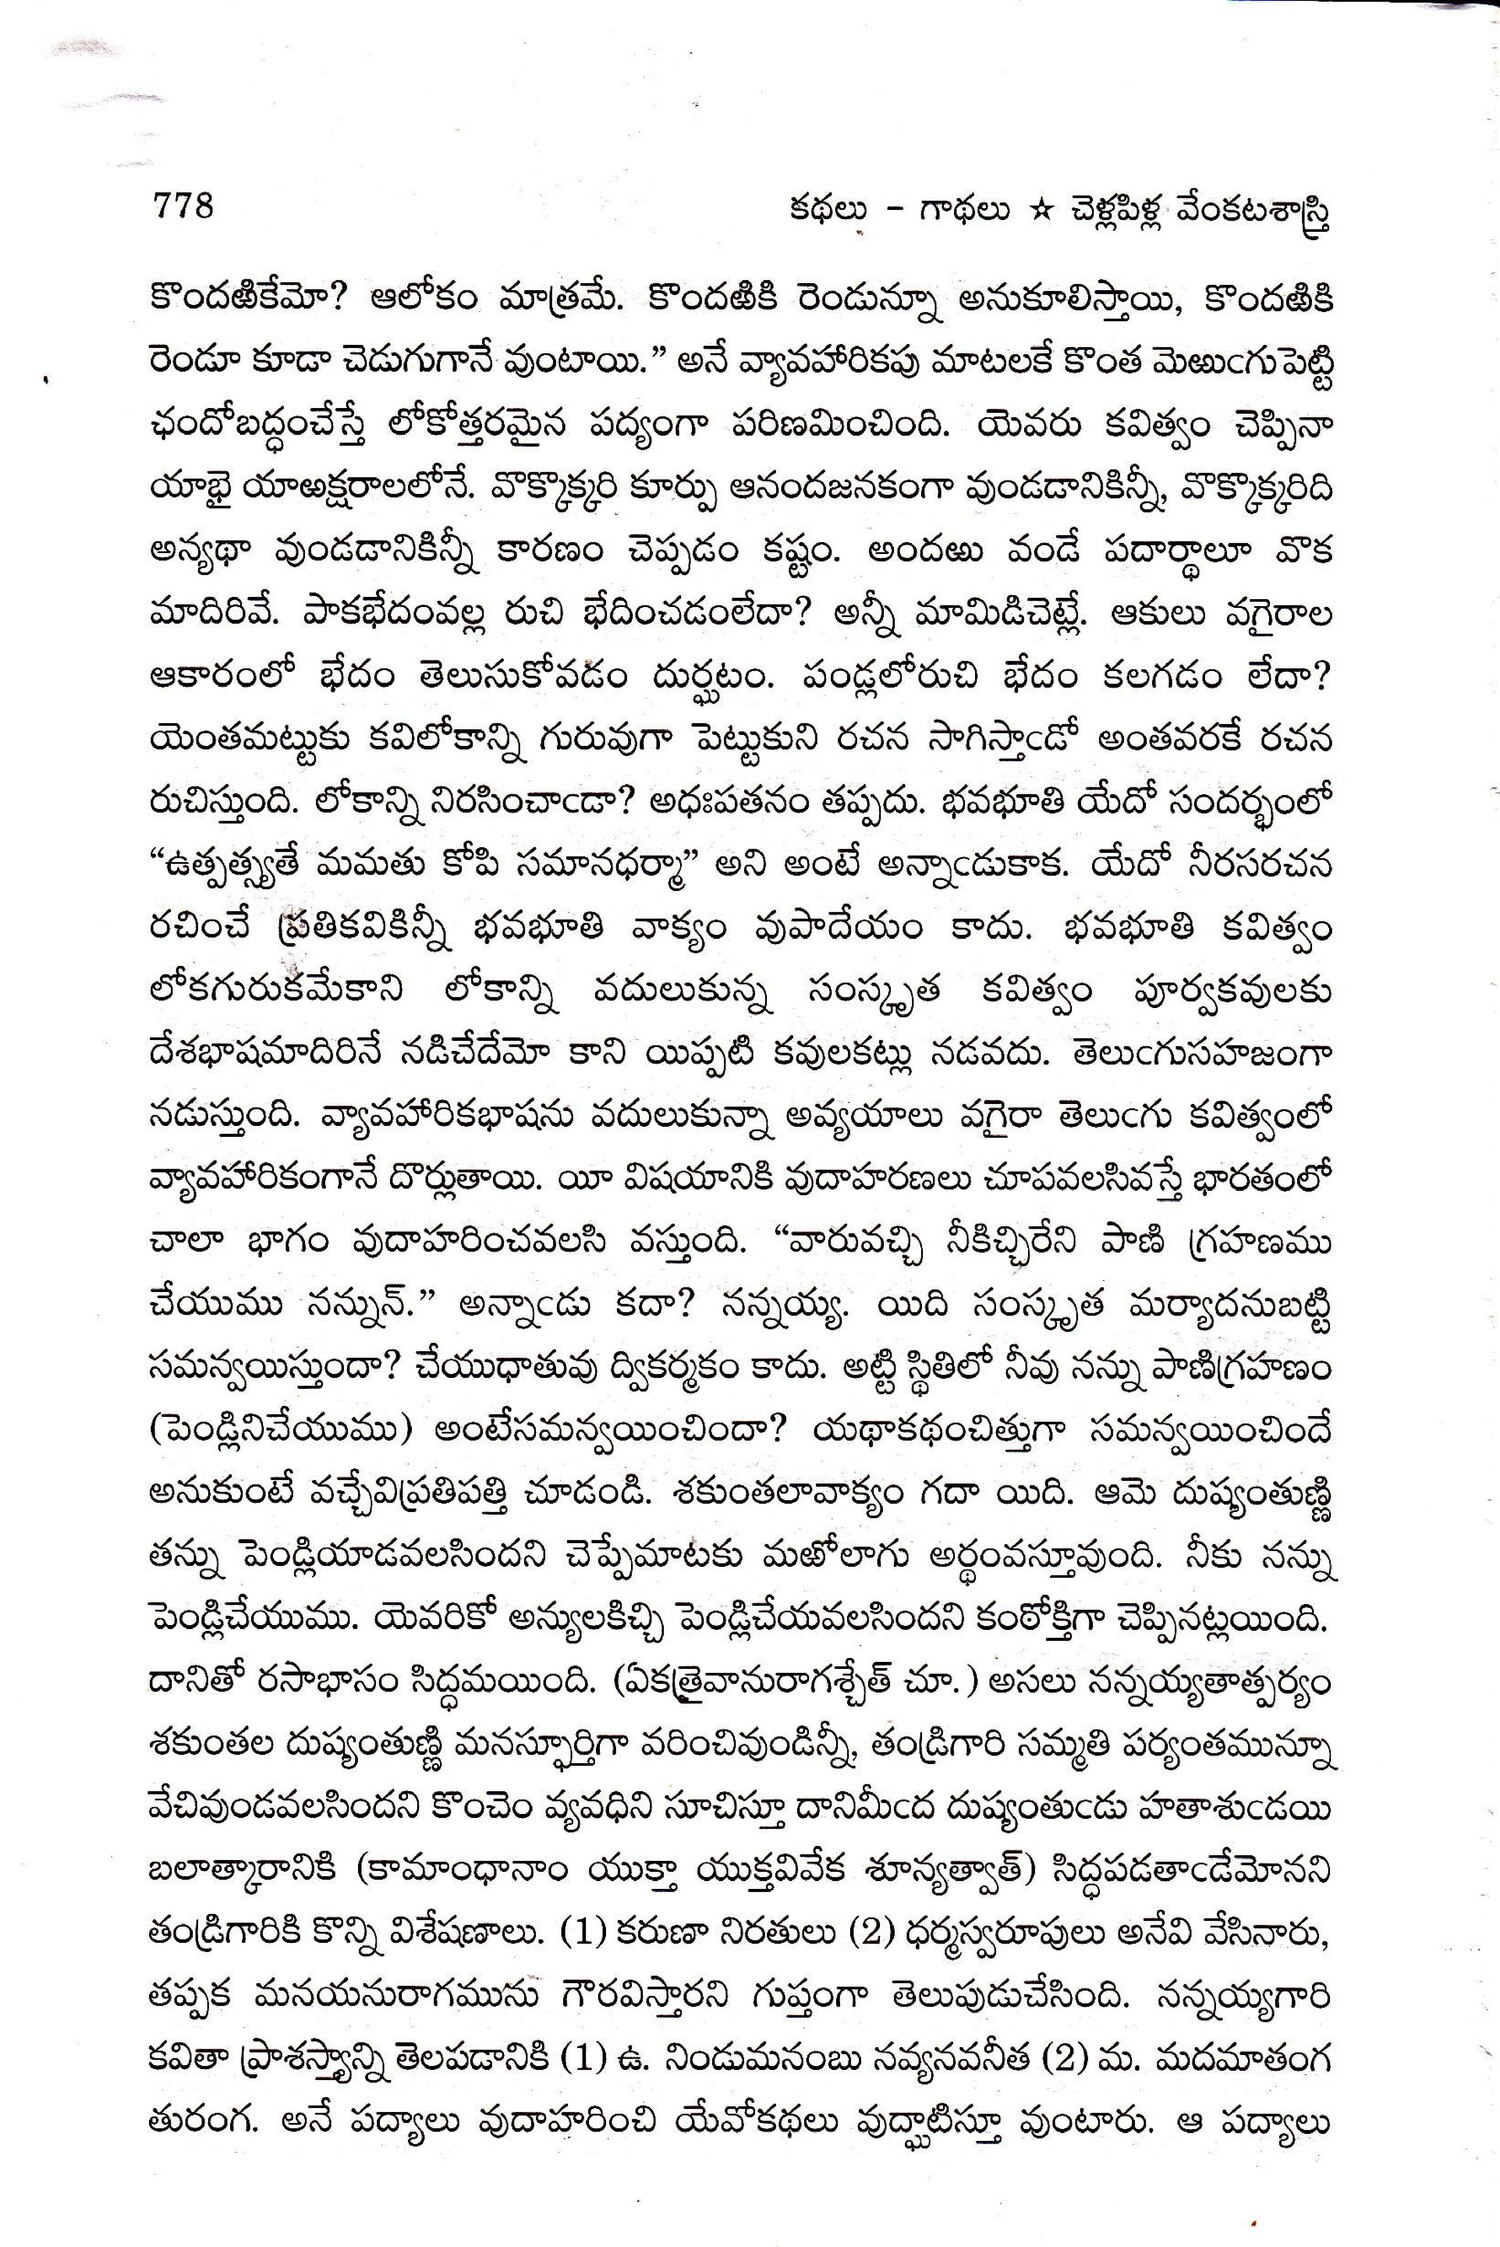కొందఱికేమో? ఆలోకం మాత్రమే. కొందఱికి రెండున్నూ అనుకూలిస్తాయి, కొందఱికి రెండూ కూడా చెడుగుగానే వుంటాయి." అనే వ్యావహారికపు మాటలకే కొంత మెఱుఁగుపెట్టి ఛందోబద్ధంచేస్తే లోకోత్తరమైన పద్యంగా పరిణమించింది. యెవరు కవిత్వం చెప్పినా యాభై యాఱక్షరాలలోనే. వొక్కొక్కరి కూర్పు ఆనందజనకంగా వుండడానికిన్నీ వొక్కొక్కరిది అన్యథా వుండడానికిన్నీ కారణం చెప్పడం కష్టం. అందఱు వండే పదార్థాలూ వొక మాదిరివే. పాకభేదంవల్ల రుచి భేదించడంలేదా? అన్నీ మామిడిచెట్లే. ఆకులు వగైరాల ఆకారంలో భేదం తెలుసుకోవడం దుర్ఘటం. పండ్లలోరుచి భేదం కలగడం లేదా? యెంతమట్టుకు కవిలోకాన్ని గురువుగా పెట్టుకుని రచన సాగిస్తాఁడో అంతవరకే రచన రుచిస్తుంది. లోకాన్ని నిరసించాcడా? అధఃపతనం తప్పదు. భవభూతి యేదో సందర్భంలో “ఉత్పత్స్యతే మమతు కోపి సమానధర్మా" అని అంటే అన్నాఁడుకాక యేదో నీరసరచన రచించే ప్రతికవికిన్నీ భవభూతి వాక్యం వుపాదేయం కాదు. భవభూతి కవిత్వం లోకగురుకమేకాని లోకాన్ని వదులుకున్న సంస్కృత కవిత్వం పూర్వకవులకు దేశభాషమాదిరినే నడిచేదేమో కాని యిప్పటి కవులకట్లు నడవదు. తెలుఁగుసహజంగా నడుస్తుంది. వ్యావహారికభాషను వదులుకున్నా అవ్యయాలు వగైరా తెలుఁగు కవిత్వంలో వ్యావహారికంగానే దొర్లుతాయి. యీ విషయానికి వుదాహరణలు చూపవలసివస్తే భారతంలో చాలా భాగం వుదాహరించవలసి వస్తుంది. "వారువచ్చి నీకిచ్చిరేని పాణి గ్రహణము చేయుము నన్నున్." అన్నాఁడు కదా? నన్నయ్య యిది సంస్కృత మర్యాదనుబట్టి సమన్వయిస్తుందా? చేయుధాతువు ద్వికర్మకం కాదు. అట్టి స్థితిలో నీవు నన్ను పాణిగ్రహణం (పెండ్లినిచేయుము) అంటేసమన్వయించిందా? యథాకథంచిత్తుగా సమన్వయించిందే అనుకుంటే వచ్చేవిప్రతిపత్తి చూడండి. శకుంతలావాక్యం గదా యిది. ఆమె దుష్యంతుణ్ణి తన్ను పెండ్లియాడవలసిందని చెప్పేమాటకు మఱోలాగు అర్థంవస్తూవుంది. నీకు నన్ను పెండ్లిచేయుము. యెవరికో అన్యులకిచ్చి పెండ్లిచేయవలసిందని కంఠోక్తిగా చెప్పినట్లయింది. దానితో రసాభాసం సిద్ధమయింది. (ఏకత్రైవానురాగశ్చేత్ చూ.) అసలు నన్నయ్యతాత్పర్యం శకుంతల దుష్యంతుణ్ణి మనస్ఫూర్తిగా వరించివుండిన్నీ తండ్రిగారి సమ్మతి పర్యంతమున్నూ వేచివుండవలసిందని కొంచెం వ్యవధిని సూచిస్తూ దానిమీఁద దుష్యంతుఁడు హతాశుఁడయి బలాత్కారానికి (కామాంధానాం యుక్తా యుక్తవివేక శూన్యత్వాత్) సిద్ధపడతాఁడేమోనని తండ్రిగారికి కొన్ని విశేషణాలు. (1) కరుణా నిరతులు (2) ధర్మస్వరూపులు అనేవి వేసినారు, తప్పక మనయనురాగమును గౌరవిస్తారని గుప్తంగా తెలుపుడుచేసింది. నన్నయ్యగారి కవితా ప్రాశస్త్యాన్ని తెలపడానికి (1) ఉ. నిండుమనంబు నవ్యనవనీత (2) మ. మదమాతంగ తురంగ. అనే పద్యాలు వుదాహరించి యేవోకథలు వుద్ఘాటిస్తూ వుంటారు. ఆ పద్యాలు